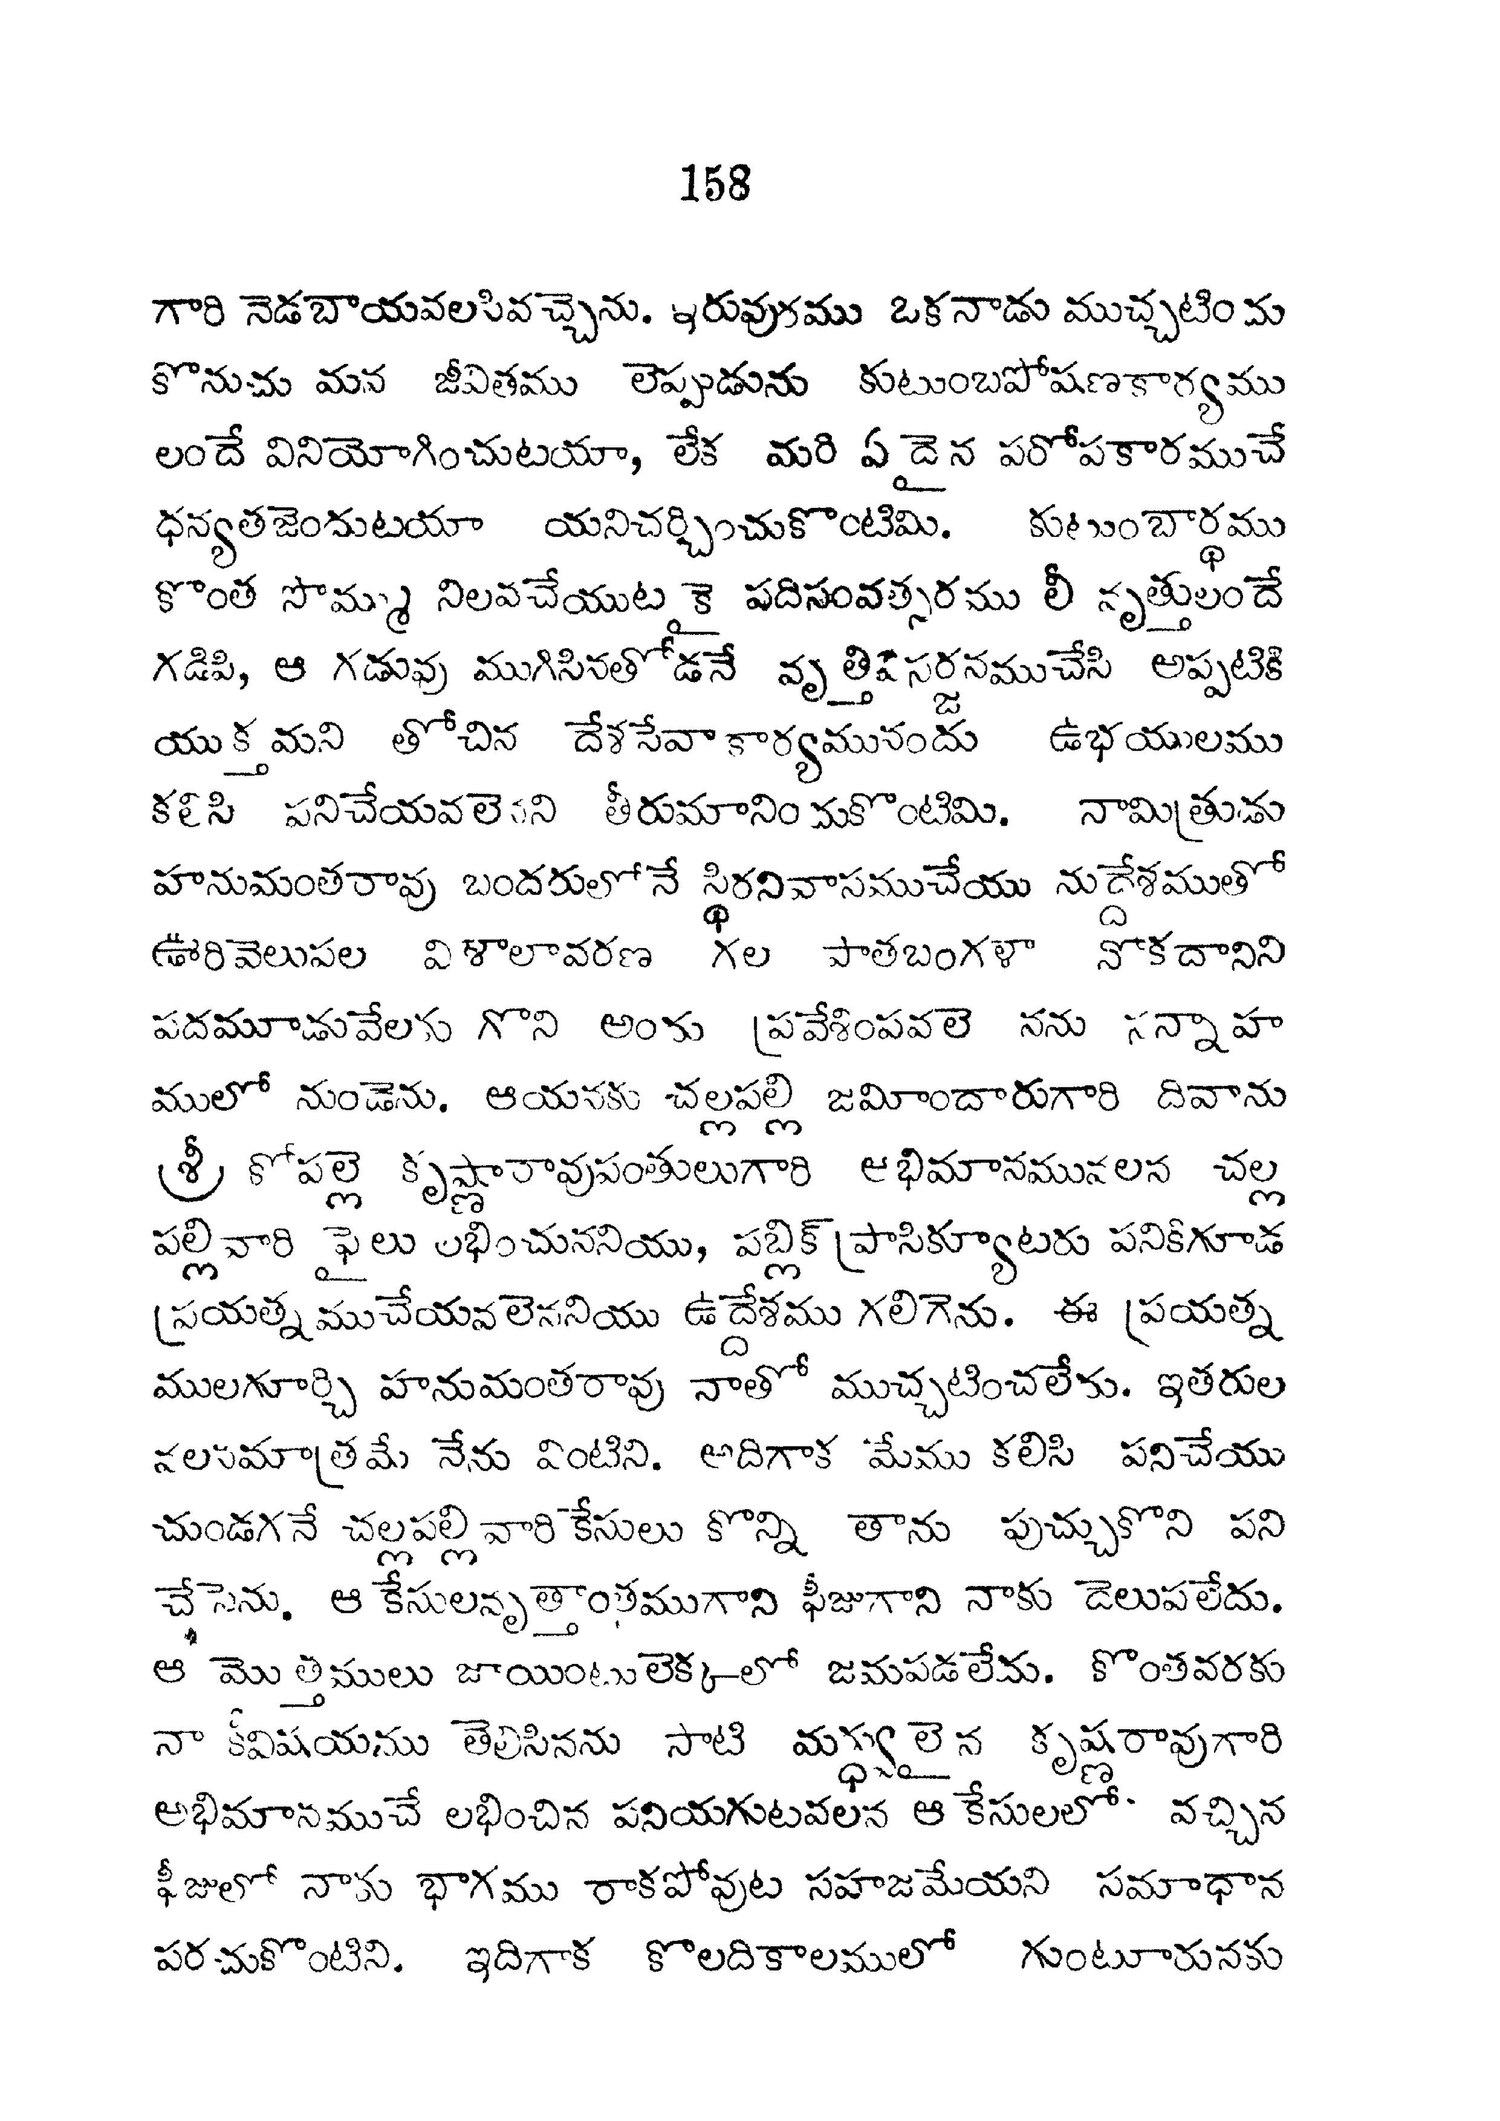గారి నెడబాయవలసివచ్చెను. ఇరువురము ఒకనాడు ముచ్చటించుకొనుచు మన జీవితము లెప్పుడును కుటుంబపోషణకార్యములందే వినియోగించుటయా, లేక మరి ఏదైన పరోపకారముచే ధన్యతజెందుటయా యనిచర్చించుకొంటిమి. కుటుంబార్థము కొంత సొమ్ము నిలవచేయుటకై పదిసంవత్సరము లీ నృత్తులందే గడిపి, ఆ గడువు ముగిసినతోడనే వృత్తివిసర్జనముచేసి అప్పటికి యుక్తమని తోచిన దేశసేవాకార్యమునందు ఉభయులము కలిసి పనిచేయవలెనని తీరుమానించుకొంటిమి. నామిత్రుడు హనుమంతరావు బందరులోనే స్థిరవాసముచేయు నుద్దేశముతో ఊరివెలుపల విశాలావరణ గల పాతబంగళా నొకదానిని పదమూడువేలకు గొని అందు ప్రవేశింపవలె నను సన్నాహములో నుండెను. ఆయనకు చల్లపల్లి జమీందారుగారి దివాను శ్రీ కోపల్లె కృష్ణారావుపంతులుగారి అభిమానమువలన చల్లపల్లివారి ఫైలు లభించుననియు, పబ్లిక్‌ప్రాసిక్యూటరు పనికిగూడ ప్రయత్నముచేయవలెననియు ఉద్దేశము గలిగెను. ఈ ప్రయత్నములగూర్చి హనుమంతరావు నాతో ముచ్చటించలేదు. ఇతరులవలనమాత్రమే నేను వింటిని. అదిగాక మేము కలిసి పనిచేయుచుండగనే చల్లపల్లివారికేసులు కొన్ని తాను పుచ్చుకొని పనిచేసెను. ఆ కేసులవృత్తాంతముగాని ఫీజుగాని నాకు దెలుపలేదు. ఆ మొత్తములు జాయింటులెక్కలో జమపడలేదు. కొంతవరకు నా కీవిషయము తెలిసినను సాటి మర్ధ్వులైన కృష్ణరావుగారి అభిమానముచే లభించిన పనియగుటవలన ఆ కేసులలో వచ్చిన ఫీజులో నాకు భాగము రాకపోవుట సహజమేయని సమాధాన పరచుకొంటిని. ఇదిగాక కొలదికాలములో గుంటూరునకు